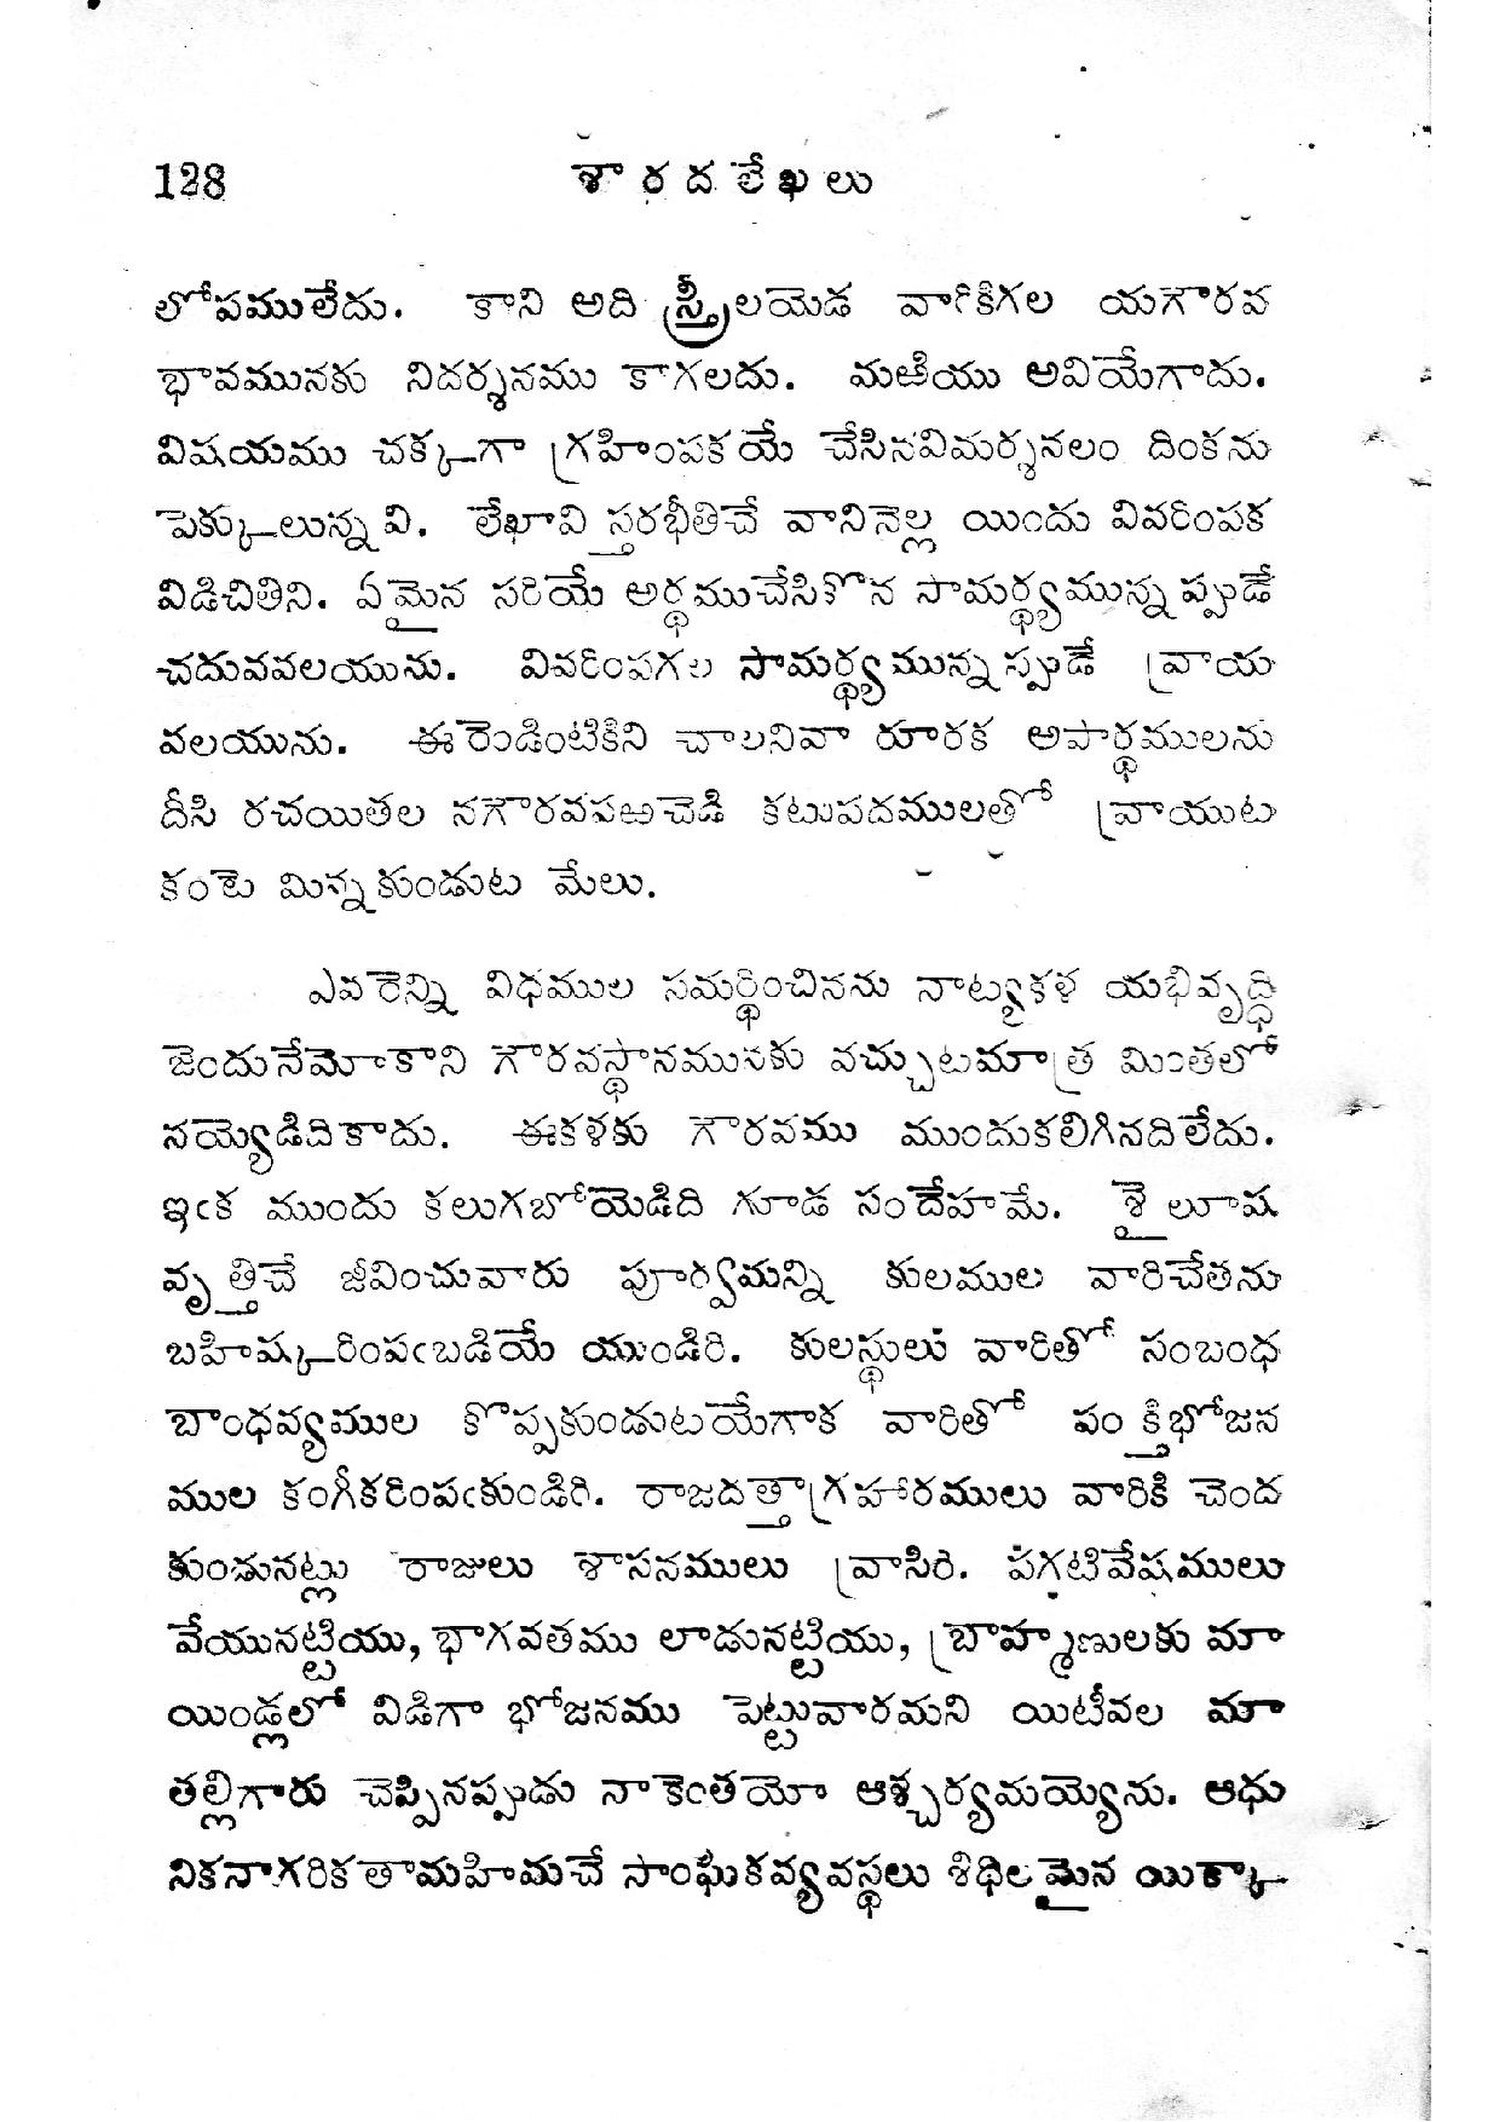లోపములేదు. కాని అది స్త్రీలయెడ వారికిగల యగౌరవ భావమునకు నిదర్శనము కాగలదు. మఱియు అవియేగాదు. విషయము చక్కగా గ్రహింపకయే చేసినవిమర్శనలం దింకను పెక్కులున్నవి. లేఖావిస్తరభీతిచే వానినెల్ల యిందు వివరింపక విడిచితిని. ఏమైన సరియే అర్థముచేసికొన సామర్థ్యమున్నప్పుడే
చదువవలయును. వివరింపగల సామర్థ్యమున్నప్పుడే వ్రాయవలయును. ఈ రెండింటికిని చాలనివా రూరక అపార్థములను దీసి రచయితల నగౌరవపఱచెడి కటుపదములతో వ్రాయుటకంటె మిన్నకుండుట మేలు.

ఎవరెన్ని విధముల సమర్థించినను నాట్యకళ యభివృద్ధి జెందునేమోకాని గౌరవస్థానమునకు వచ్చుటమాత్ర మింతలో నయ్యెడిదికాదు. ఈకళకు గౌరవము ముందుకలిగినదిలేదు. ఇఁక ముందు కలుగబోయెడిది గూడ సందేహమే. శైలూష వృత్తిచే జీవించువారు పూర్వమన్ని కులముల వారిచేతను బహిష్కరింపఁబడియే యుండిరి. కులస్థులు వారితో సంబంధబాంధవ్యముల కొప్పకుండుటయేగాక వారితో పంక్తిభోజనముల కంగీకరింపఁకుండిరి. రాజదత్తాగ్రహారములు వారికి చెందకుండునట్లు రాజులు శాసనములు వ్రాసిరి. పగటివేషములు వేయునట్టియు, భాగవతము లాడునట్టియు, బ్రాహ్మణులకు మా యిండ్లలో విడిగా భోజనము పెట్టువారమని యిటీవల మా తల్లిగారు చెప్పినప్పుడు నాకెంతయో ఆశ్చర్యమయ్యెను. ఆధునికనాగరికతామహిమచే సాంఘికవ్యవస్థలు శిథిలమైన యిక్కా